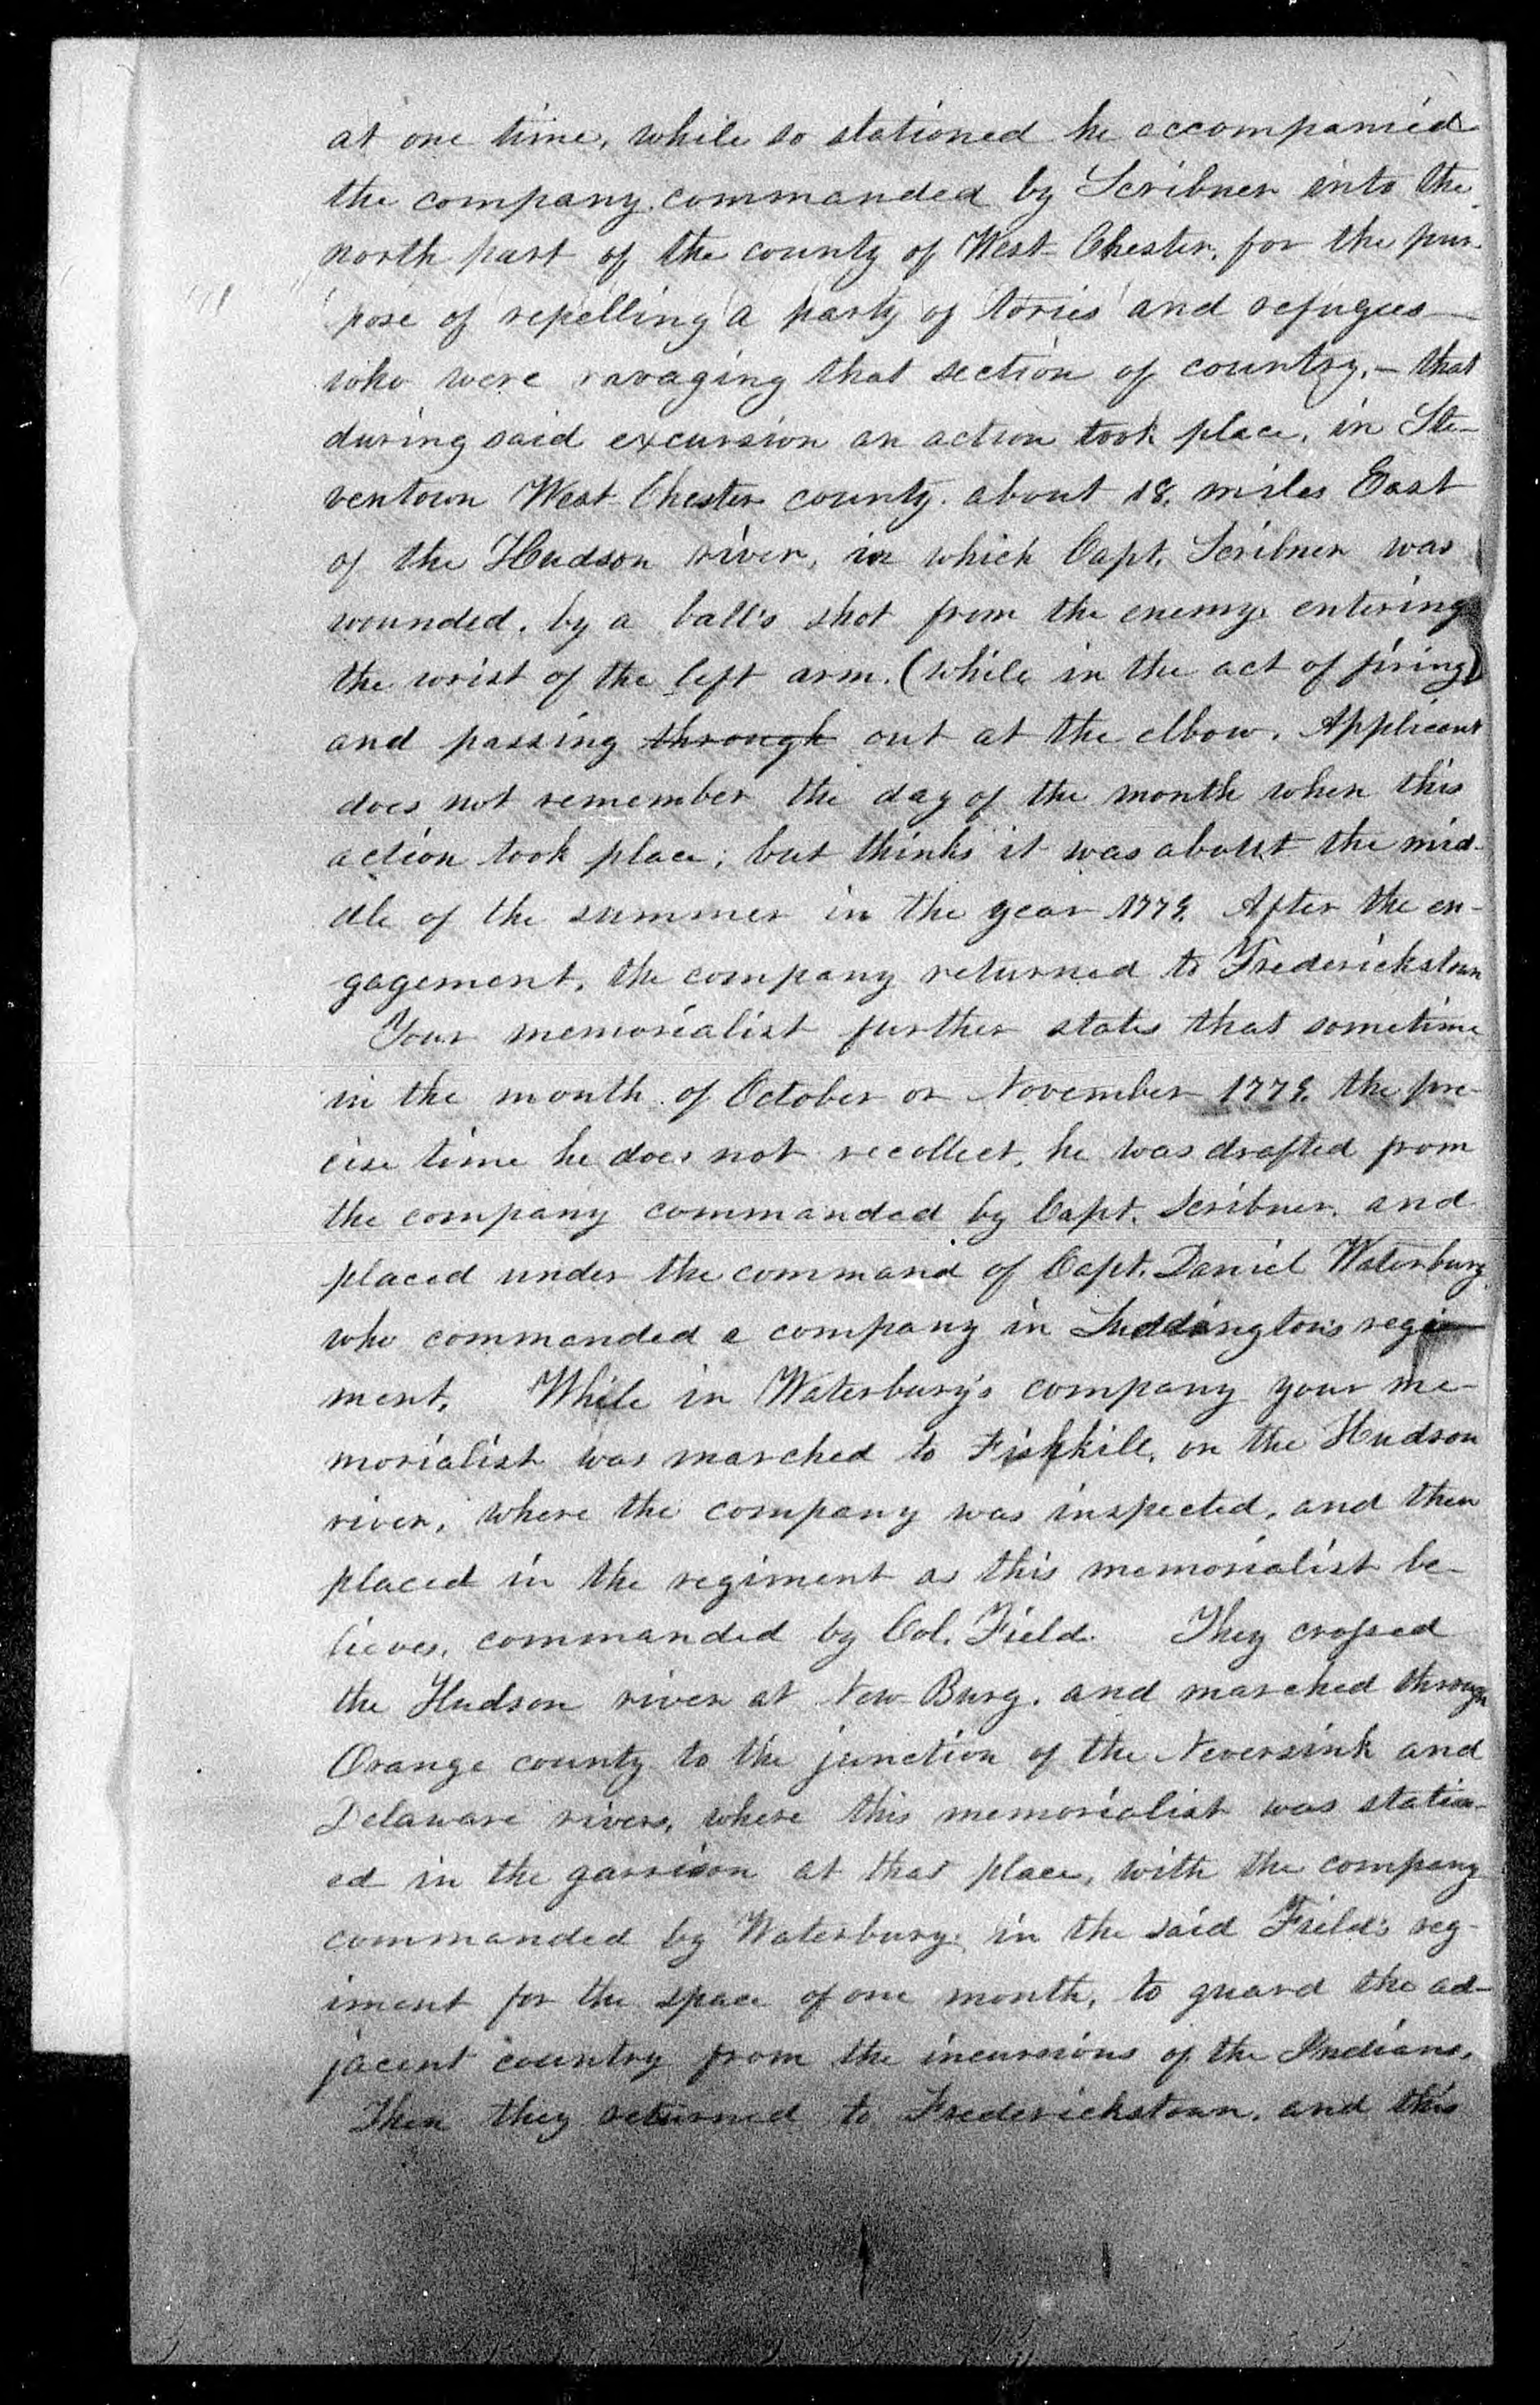at one time, while so stationed he accompanied the company commanded by Scribner into the north part of the county of West Chester for the purpose of repelling a party of tories and refugees who were ravaging that section of country. That during said excursion an action took place, in Tesentown (West Chester county about 18 miles east of the Hudson river, in which Capt Scribner was wounded, by a ball's shot from the enemy, entered the wrist of the left arm (While in the act of firing and passing out at the elbow. Applicant does not remember the day of the month when this action took place, but thinks it was about the middle of summer in the year 1779. After the engagement the company returned to Frederickstown.  Your memorialist further states that sometime in the month of October or November 1779. The precise time he does not recollect. he was drafted into the company commanded by Capt Scribner and placed under the command of Capt Daniel Waterbury who commanded a company in Luddington's regiment. While in Waterbury's company your memorialist was marched to Fishkill on the Hudson River, where the company was inspected, and placed in the regiment as this memorialist believes, commanded by Col. Field. They crossed the Hudson river at New Burg. and marched to Orange county to the junction of the Navisink and Delaware rivers where this memorialist was stationed in the garrison at that place, with the company commanded by Waterbury in the said Field regiment for the space of one month, to guard the adjacent country from the incursions of the Indians, Then they returned to Frederickstown, and  this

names: Daniel Waterbury, Scribner, Field, Scribner, Waterbury, Scribner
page: 15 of 66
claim: rejected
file: R. 4298, Samuel Gregory, New York